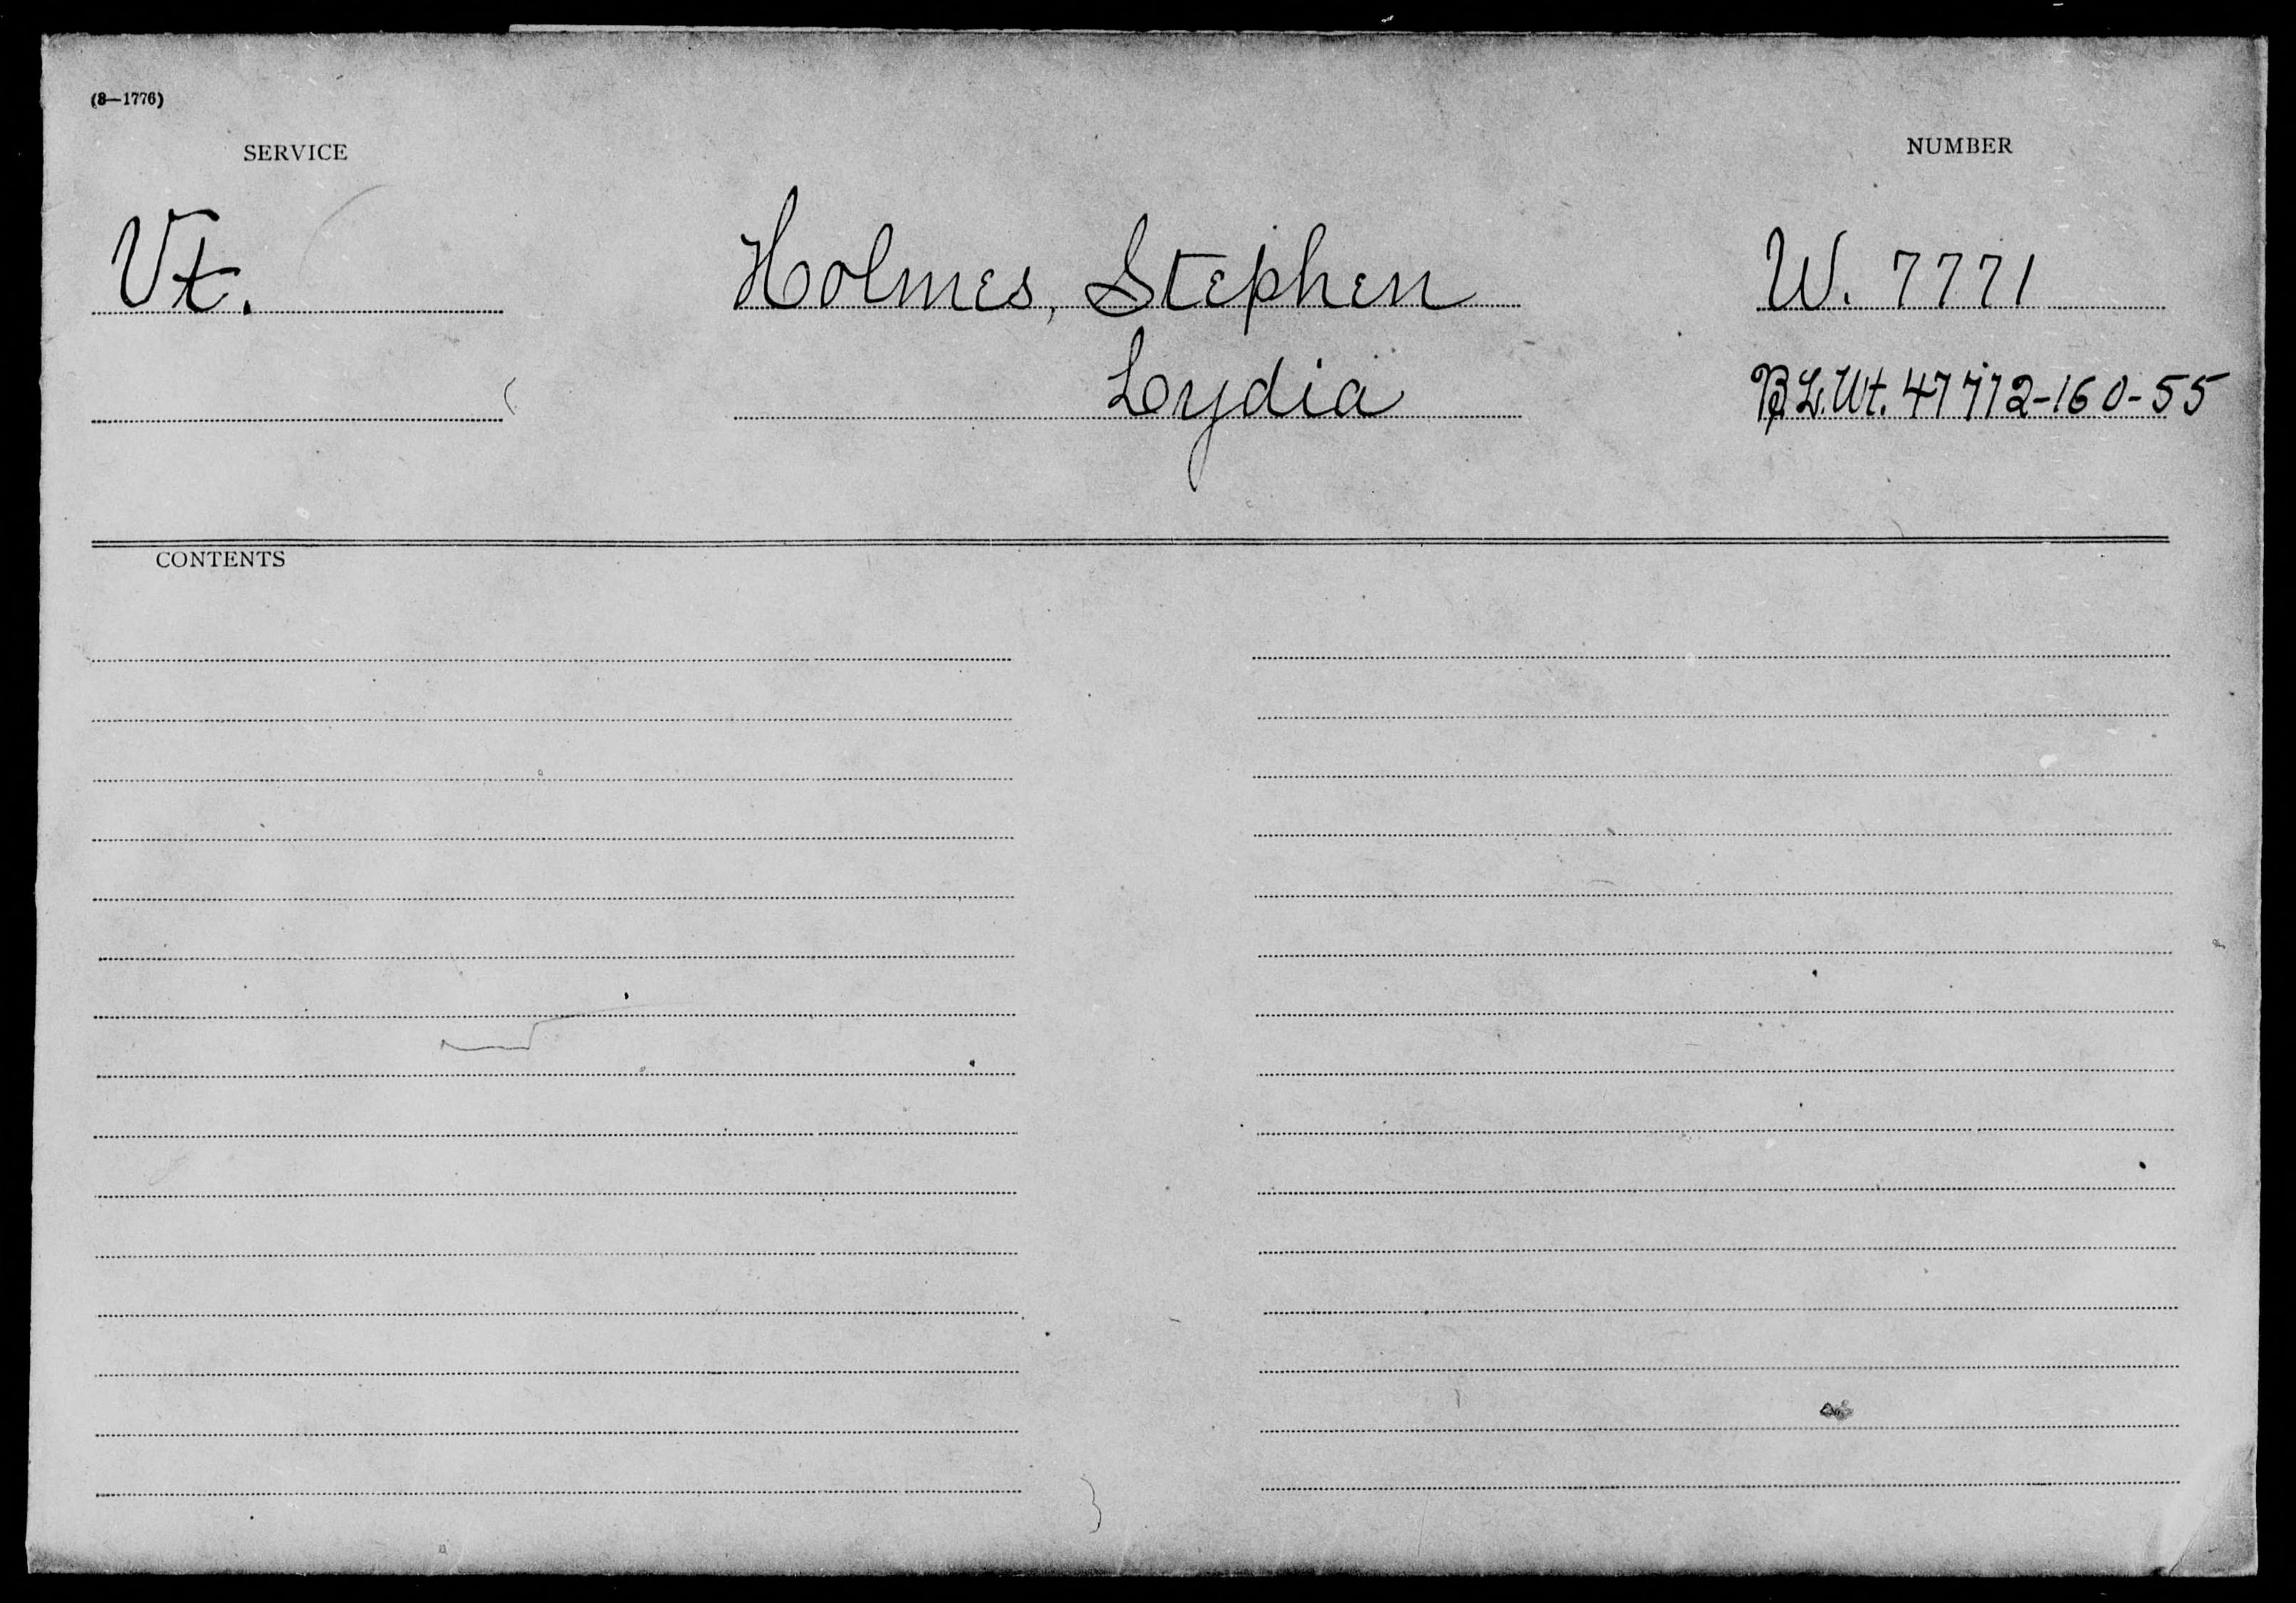(3-1776)
SERVICE
Vt.
Holmes, Stephen
Lydia
NUMBER
W. 7771
B.L.Wt. 47772-160-55
CONTENTS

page: 1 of 72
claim: widow's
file: W. 7771, Stephen Holmes, Vt.